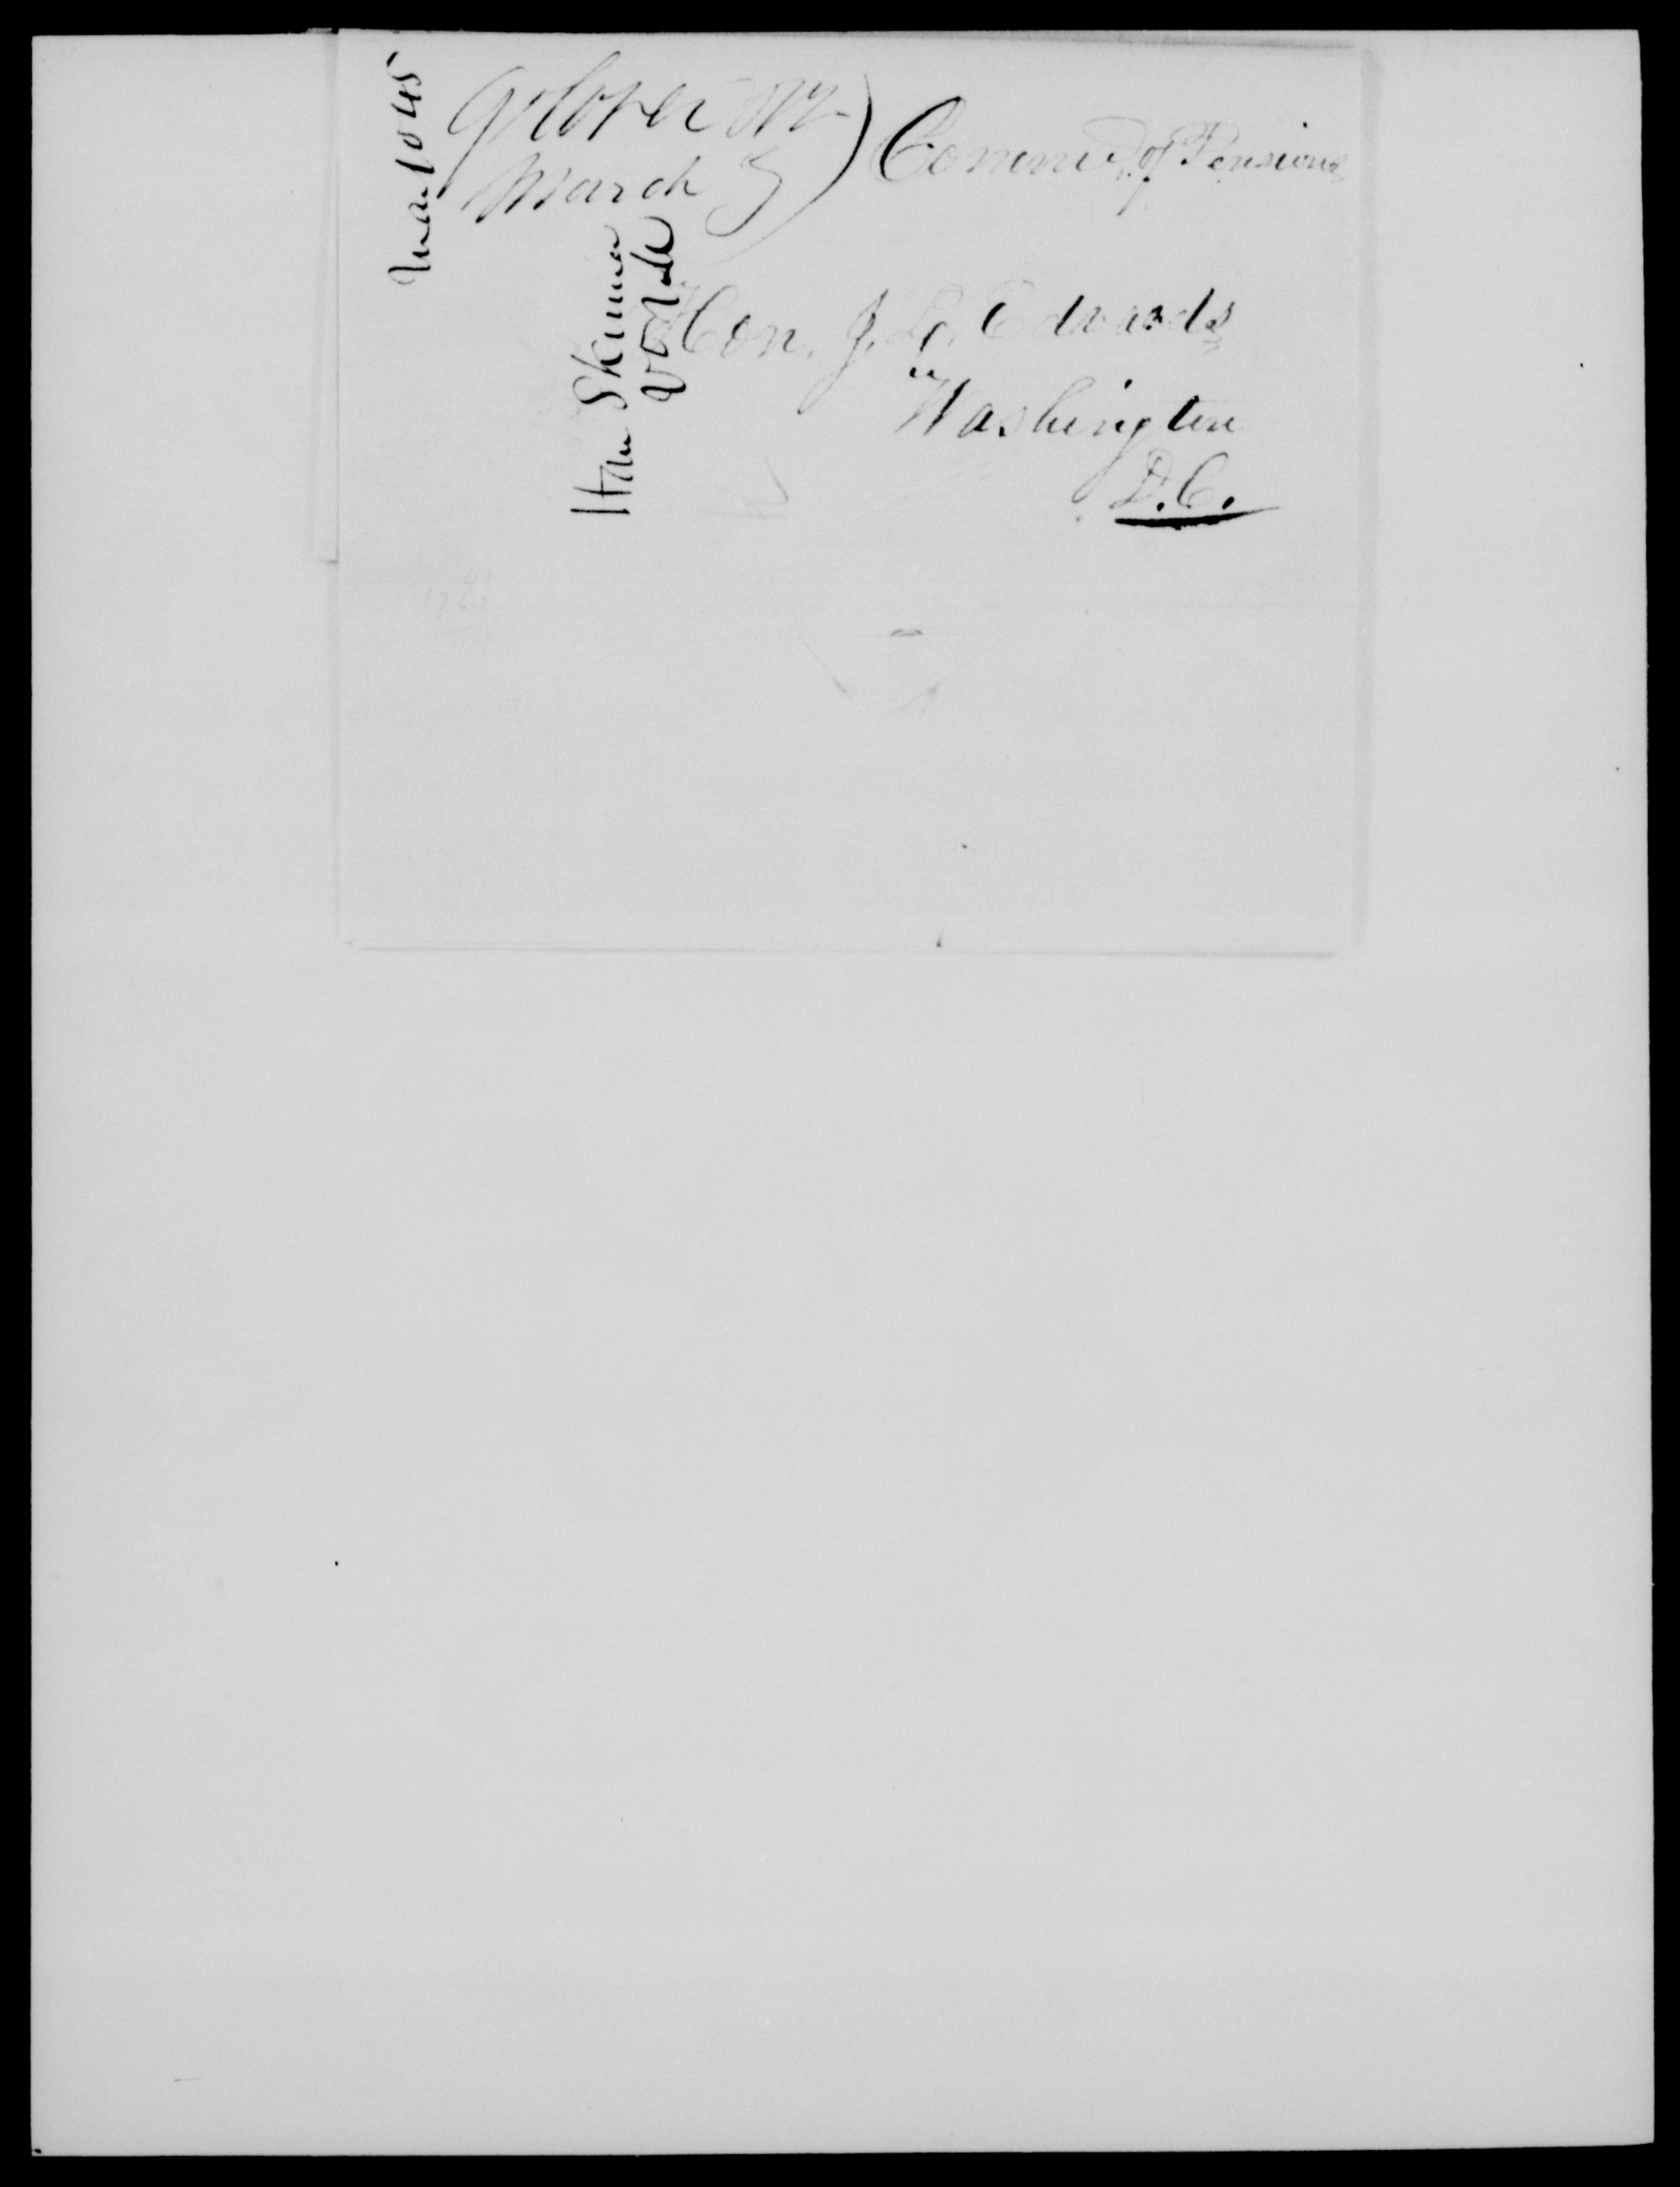March 10, 45
(illegible)
March  Comm. of Pensions
Hon. J.L. Edwards
Washington, D.C.

(sideways)
Han. Skinner
Vt. N.H.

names: [BLANK] Skinner; J L Edwards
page: 20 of 46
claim: widow's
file: W. 24976, for Daniel Skinner, New Hampshire